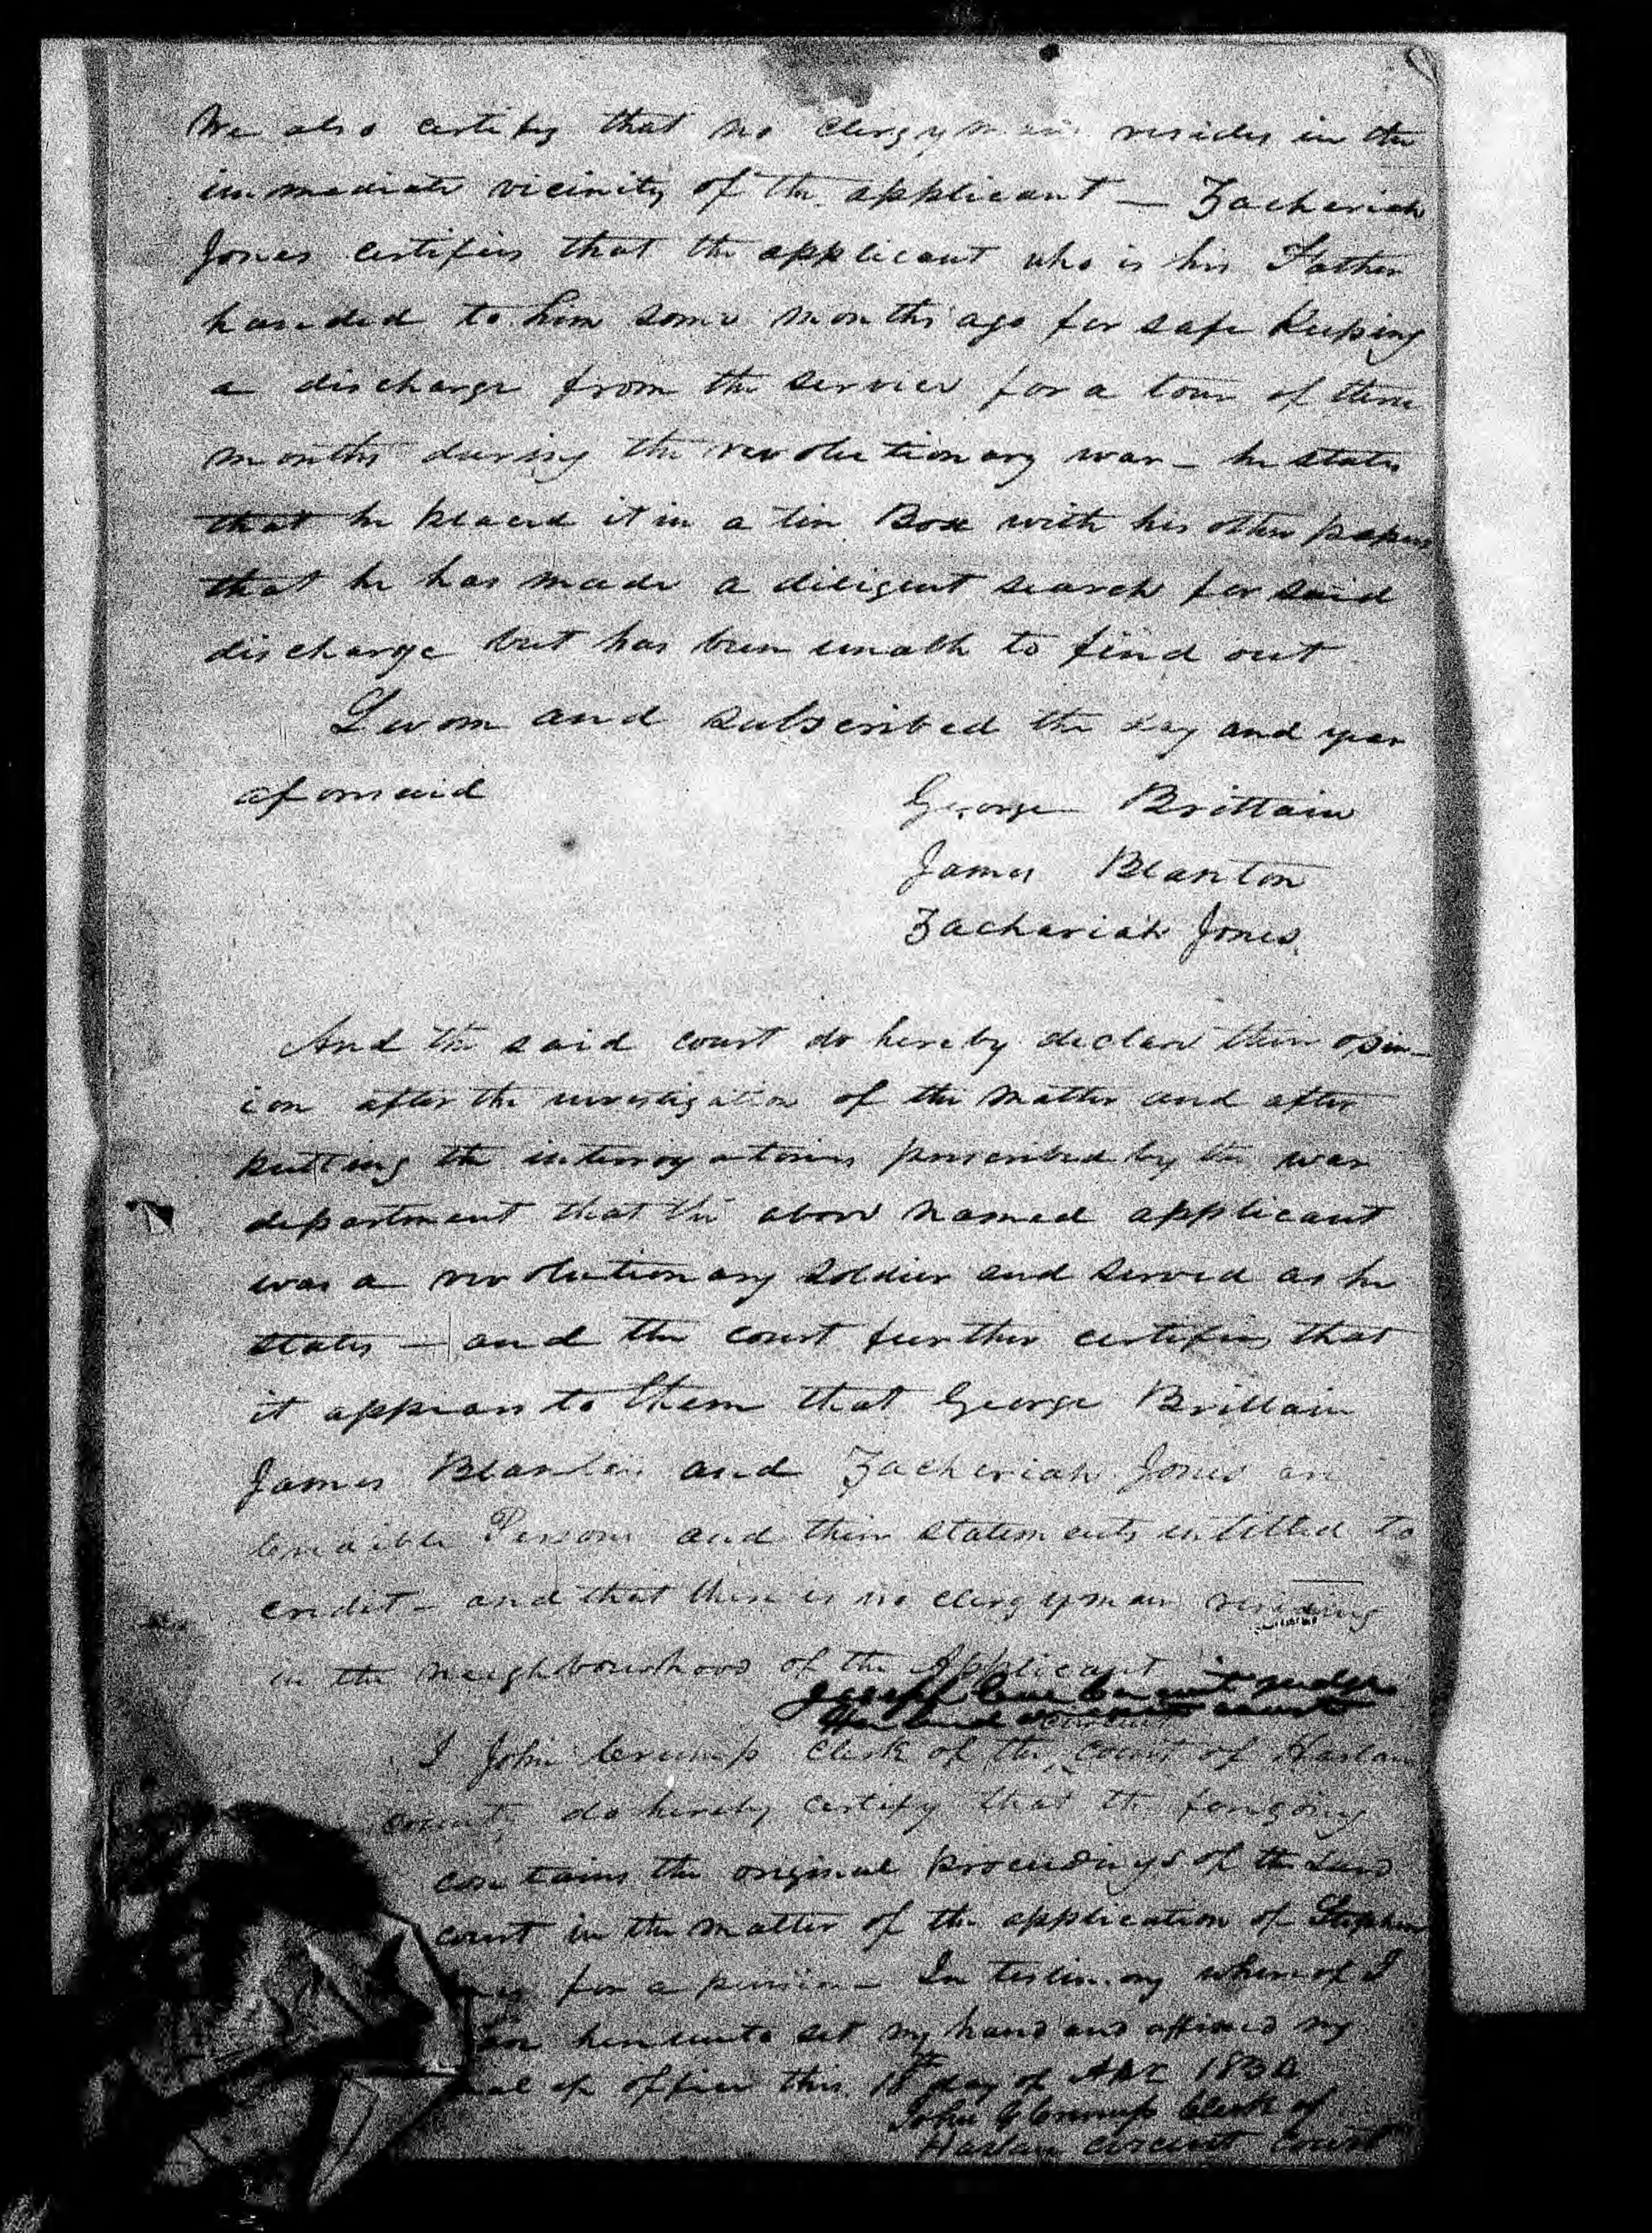We also certify that no clergyman resides in the 
immediate vicinity of the applicant-- Zacheriah
Jones certifies that the applicant who is his Father
handed to him some months ago for safe keeping
a discharge from the service for a tour of three
months during the revolutionary war--he states
that he placed it in a tin. Both with his other papers
that he has made a diligent search for said
discharge but has been unable to find out.
    
 Sworn and subscribed the day and year
aforesaid.

George Brittain
James Blanton
Zachariah Jones

And the said court do hereby declare their opinion
after the investigation of the matter and after
putting the interrogatories prescribed by the war
department that the above named applicant
was a revolutionary soldier and served as he
states--and the court further certifies that
it appears to them that George Brittain
James Blanton and Zacheriah Jones are
credible persons and their statements entitled to
credit-- and that there is no clergyman residing
in the neighbourhood of the Applicant.

Joseph Eve Circuit Judge
Harlan District Court

I, John Crump, Clerk of the Court of Harlan
County do hereby certify that the foregoing
contains the original proceedings of the said
Court in the matter of the application of Stephen
Jones for a pension.-- In testimony whereof I
have hereunto set my hand and affixed my
seal of office this 18th day of Apr 1834

John G. Crump Clerk of
Harlan Circuit Court

[seal]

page: 8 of 17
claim: survivor's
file: S. 38092, for Stephen Jones, North Carolina